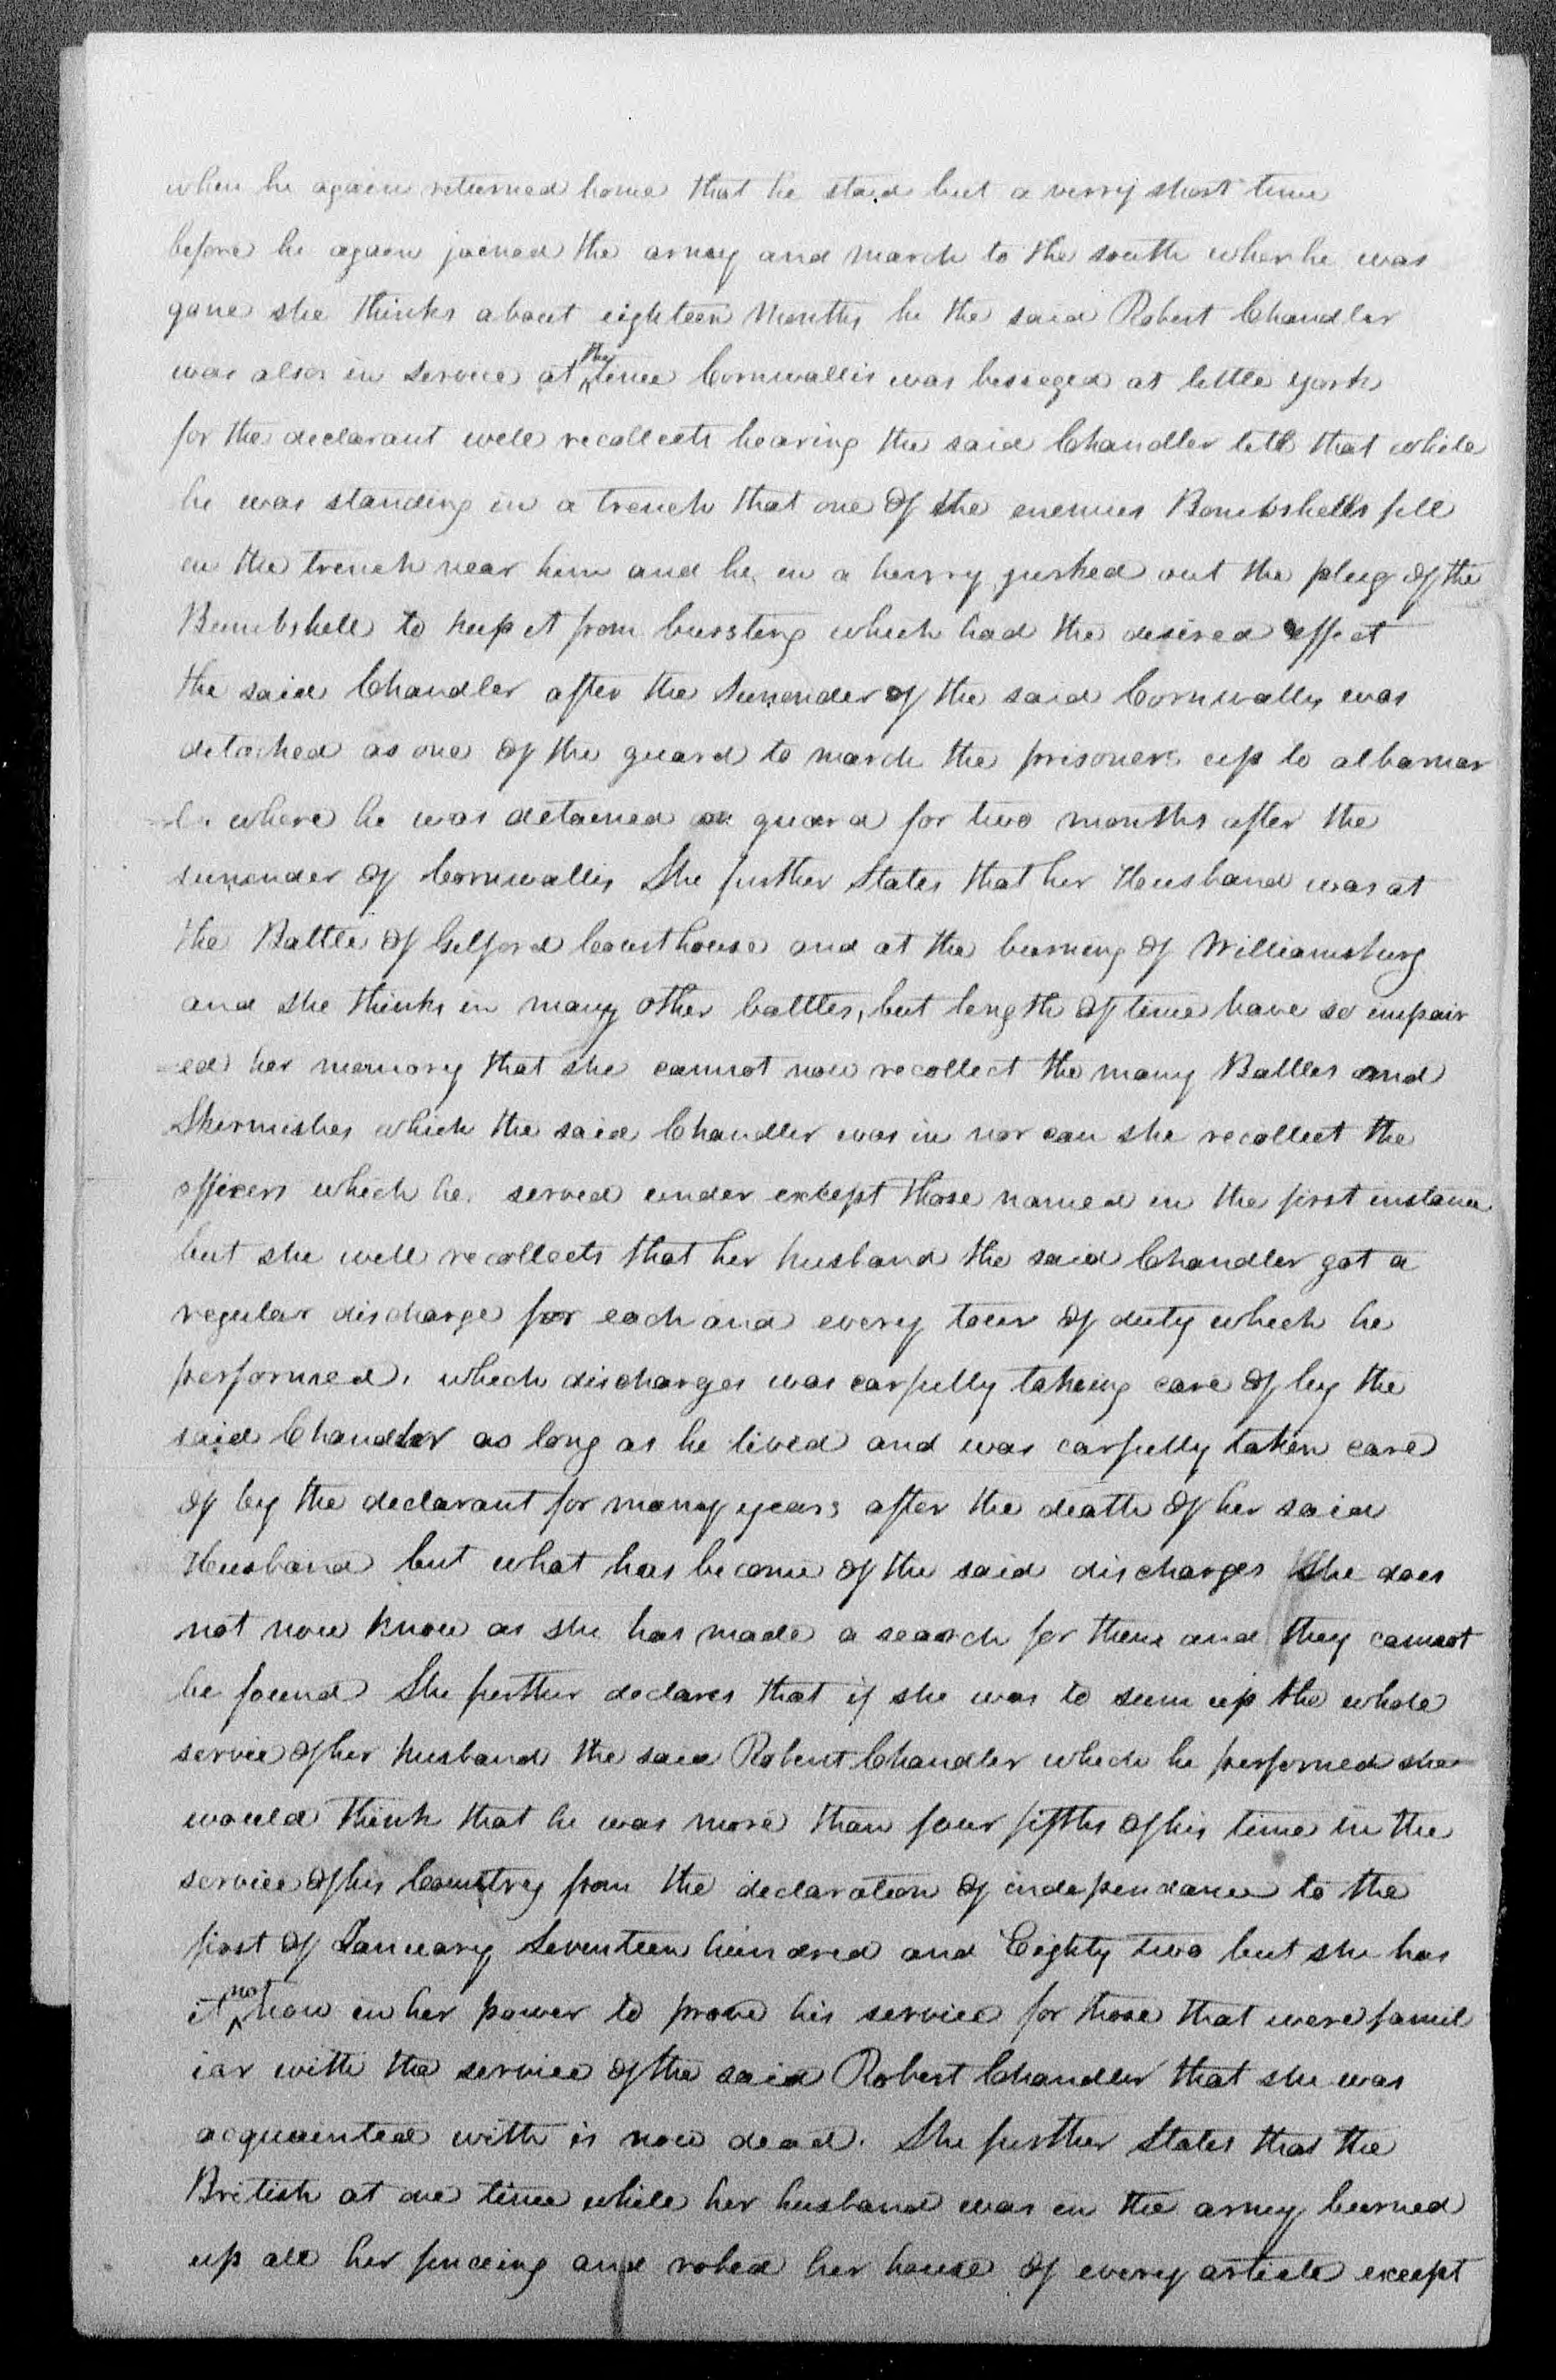when he again returned home that he staid but a very short time before he again joined the army and march to the south when he was gone, she thinks about eighteen months, he, the said Robert Chandler was also in service at the time Cornwallis was besieged at little York for the declarant well recollects hearing the said Chandler tell that while he was standing in a trench, that one of the enemies Bombshells fell in the trench near him and he, in a hurry, pushed out the plug of the Bombshell to keep it from bursting which had the desired effect.  The said Chandler, after the surrender of the said Cornwallis, was detached as one of the guard to march the prisoners up to Ablemarle where he was detained as guard for two months after the surrender of Cornwallis.  She further States that her husband was at the Battle of Guilford Courthouse and at the burning of Williamsburg and she thinks in many other battles, but length of time have so impaired her memory that she cannot now recollect the many Battles and Skirmishes which the said Chandler was in, nor can she recollect the officers which he served under except those named in the first instance, but she will recollects that her husband, the said Chandler, got a regular discharge for each and every tour of duty which he performed, which discharges was carefully taken care of by the said Chandler as long as he lived and was carefully taken care of by the declarant for many years after the death of her said husband, but what has become of the said discharges she does not know as she has made a search for them and they cannot be found.  She further declares that if she was to sum up the whole service of her husband, the said Robert Chandler, which he performed, she would think that he was more than four fifths of his time in the service of his Country from the declaration of independence to the first of January, Seventeen hundred and Eighty two, but she has it not now in her power to prove his service for those that were familiar with the service of the said Robert Chandler that she was acquainted with is now dead.  She further states that the British at one time while her husband was in the army burned up all her fencing and robed her house of every article except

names: Robert Chandler, Chandler, Chandler, Robert Chandler, Chandler, Chandler, Robert Chandler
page: 4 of 12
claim: widow's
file: W. 8598, Robert Chandler, Va.